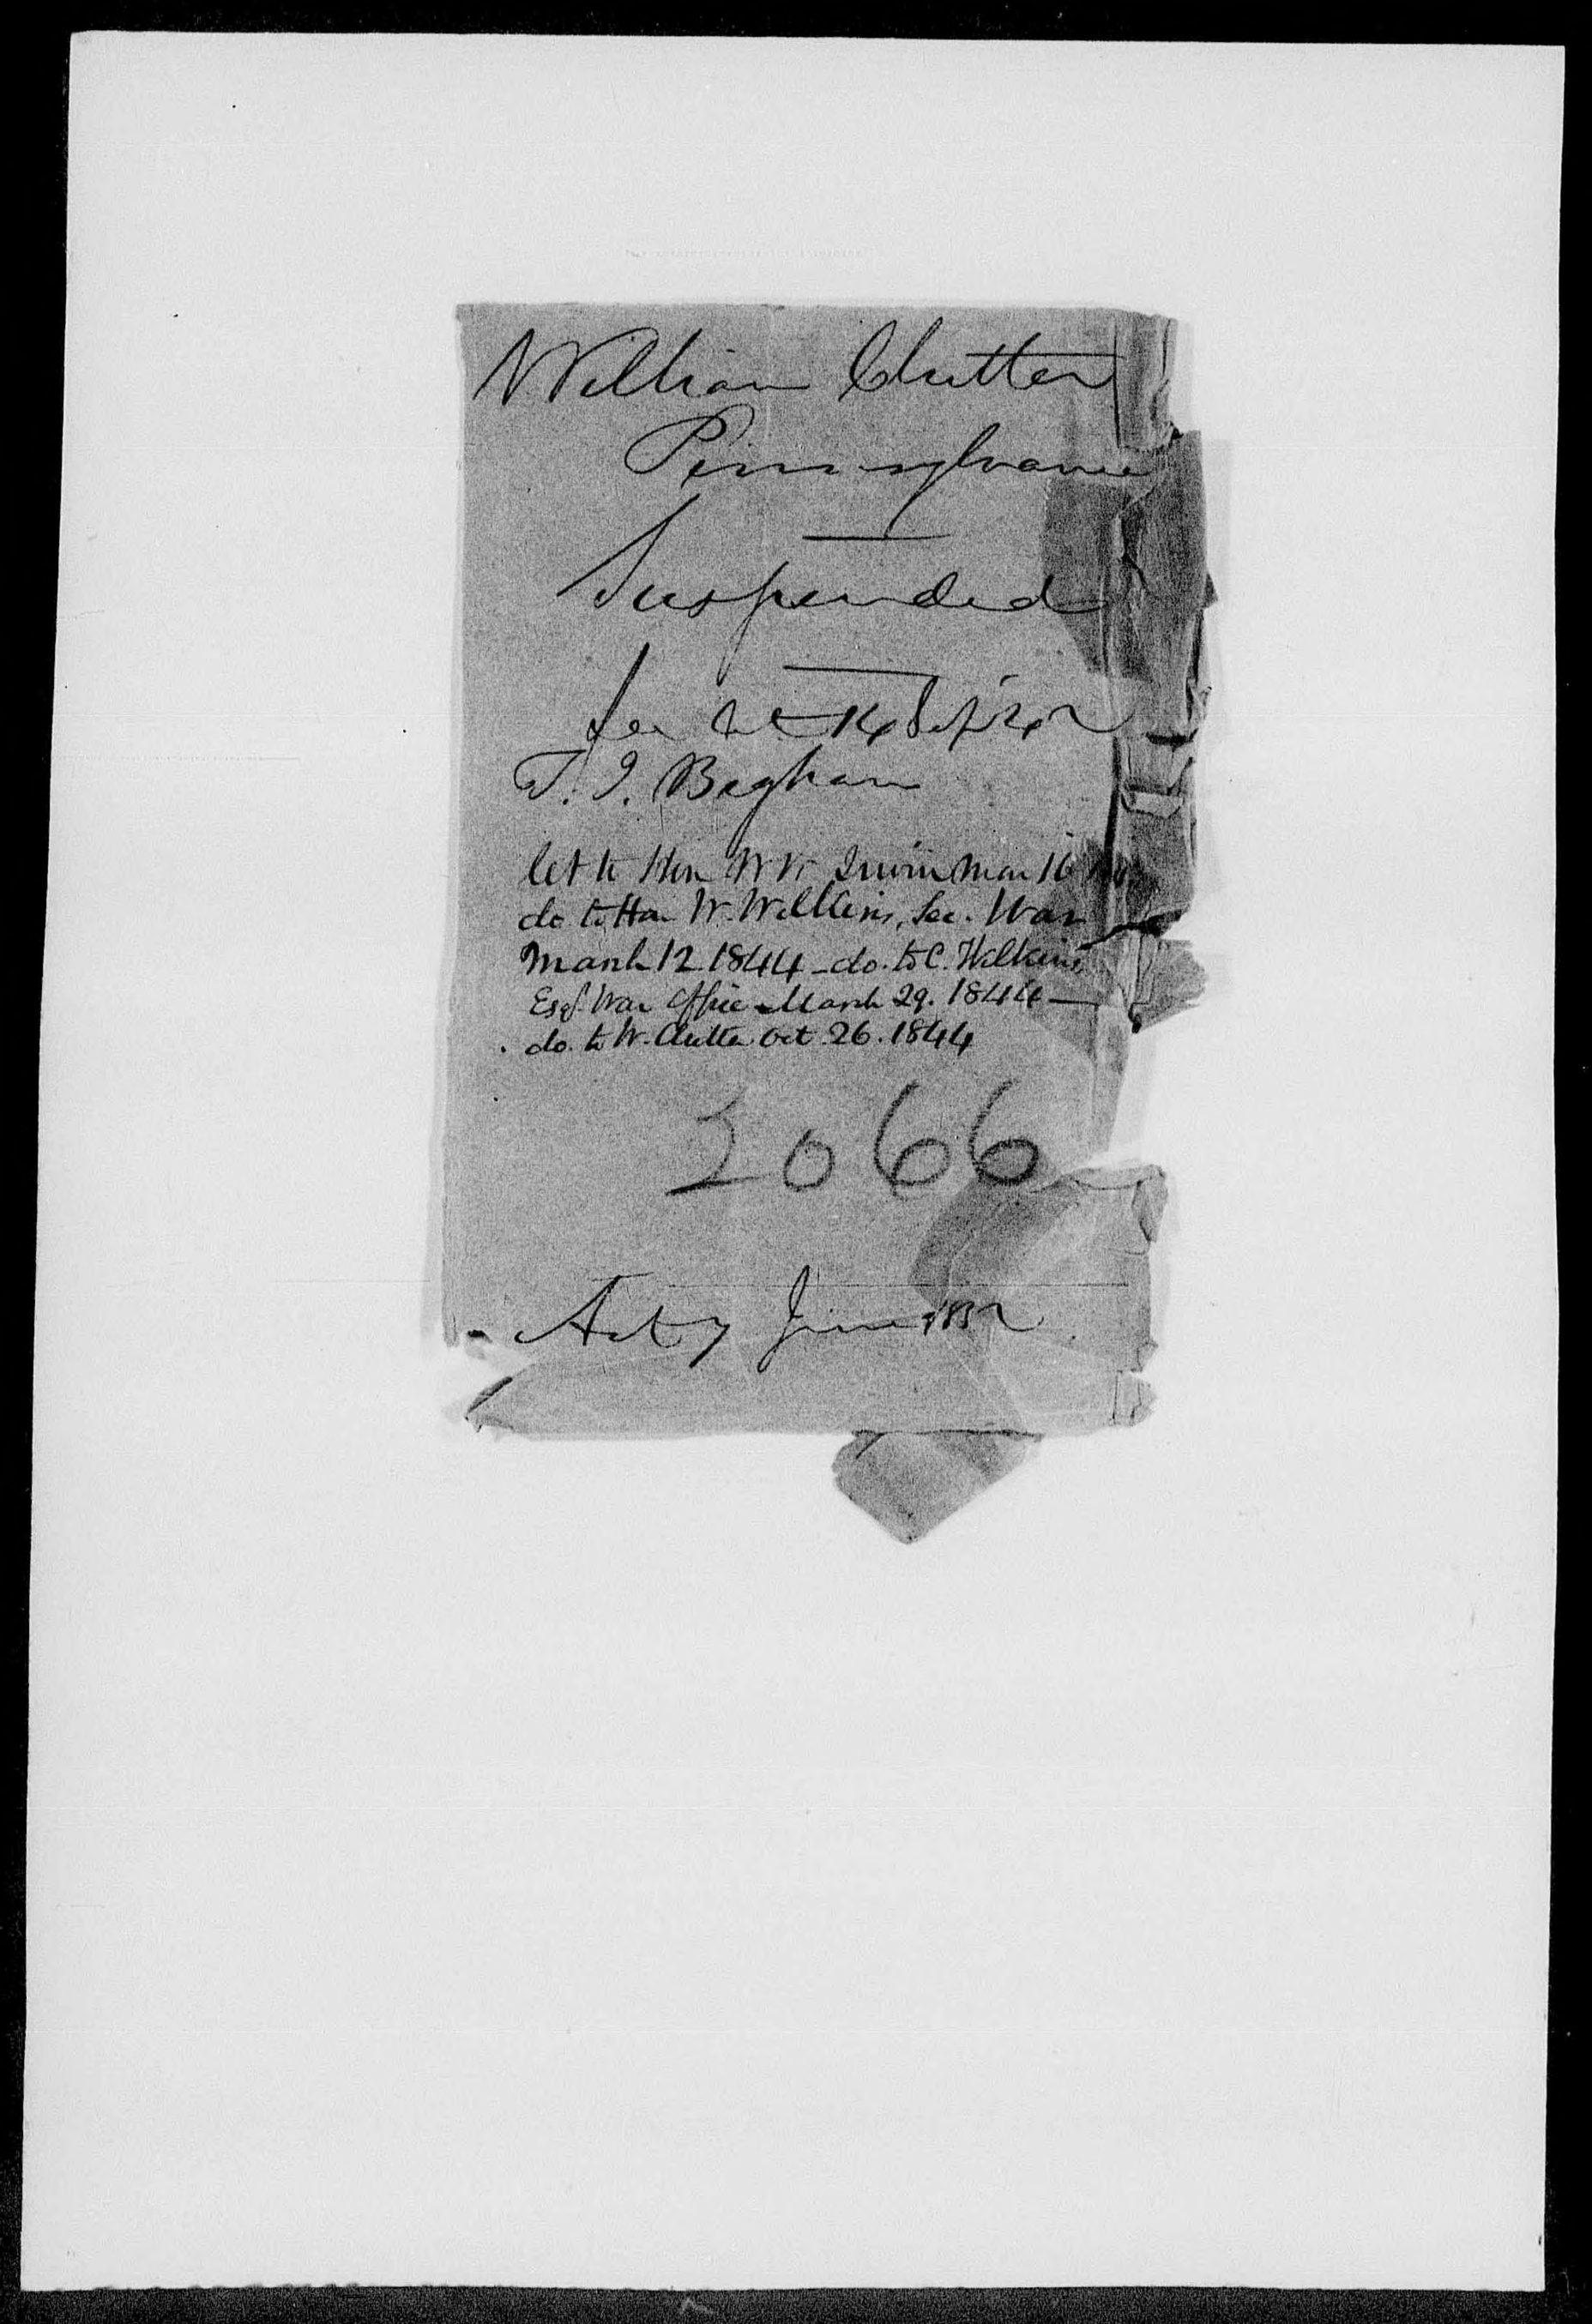William Clutter
Pennsylvania
Suspended 
[illegible]
J. Bigham
Let. to Hon W.W. Irwin Mar 16 18 
do to Hon W. Wilkins, Sec. War
March 12, 1844.  do K C. Wilkins Esq, War office March 29, 1844
do to W. Clutter Oct 26, 1844

2066
Act 7 June 1832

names: K C Wilkins, W W Irwin, T J Bigham, W Wilkins, William Clutter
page: 15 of 35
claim: rejected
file: R. 2066, William Clutter, New Jersey